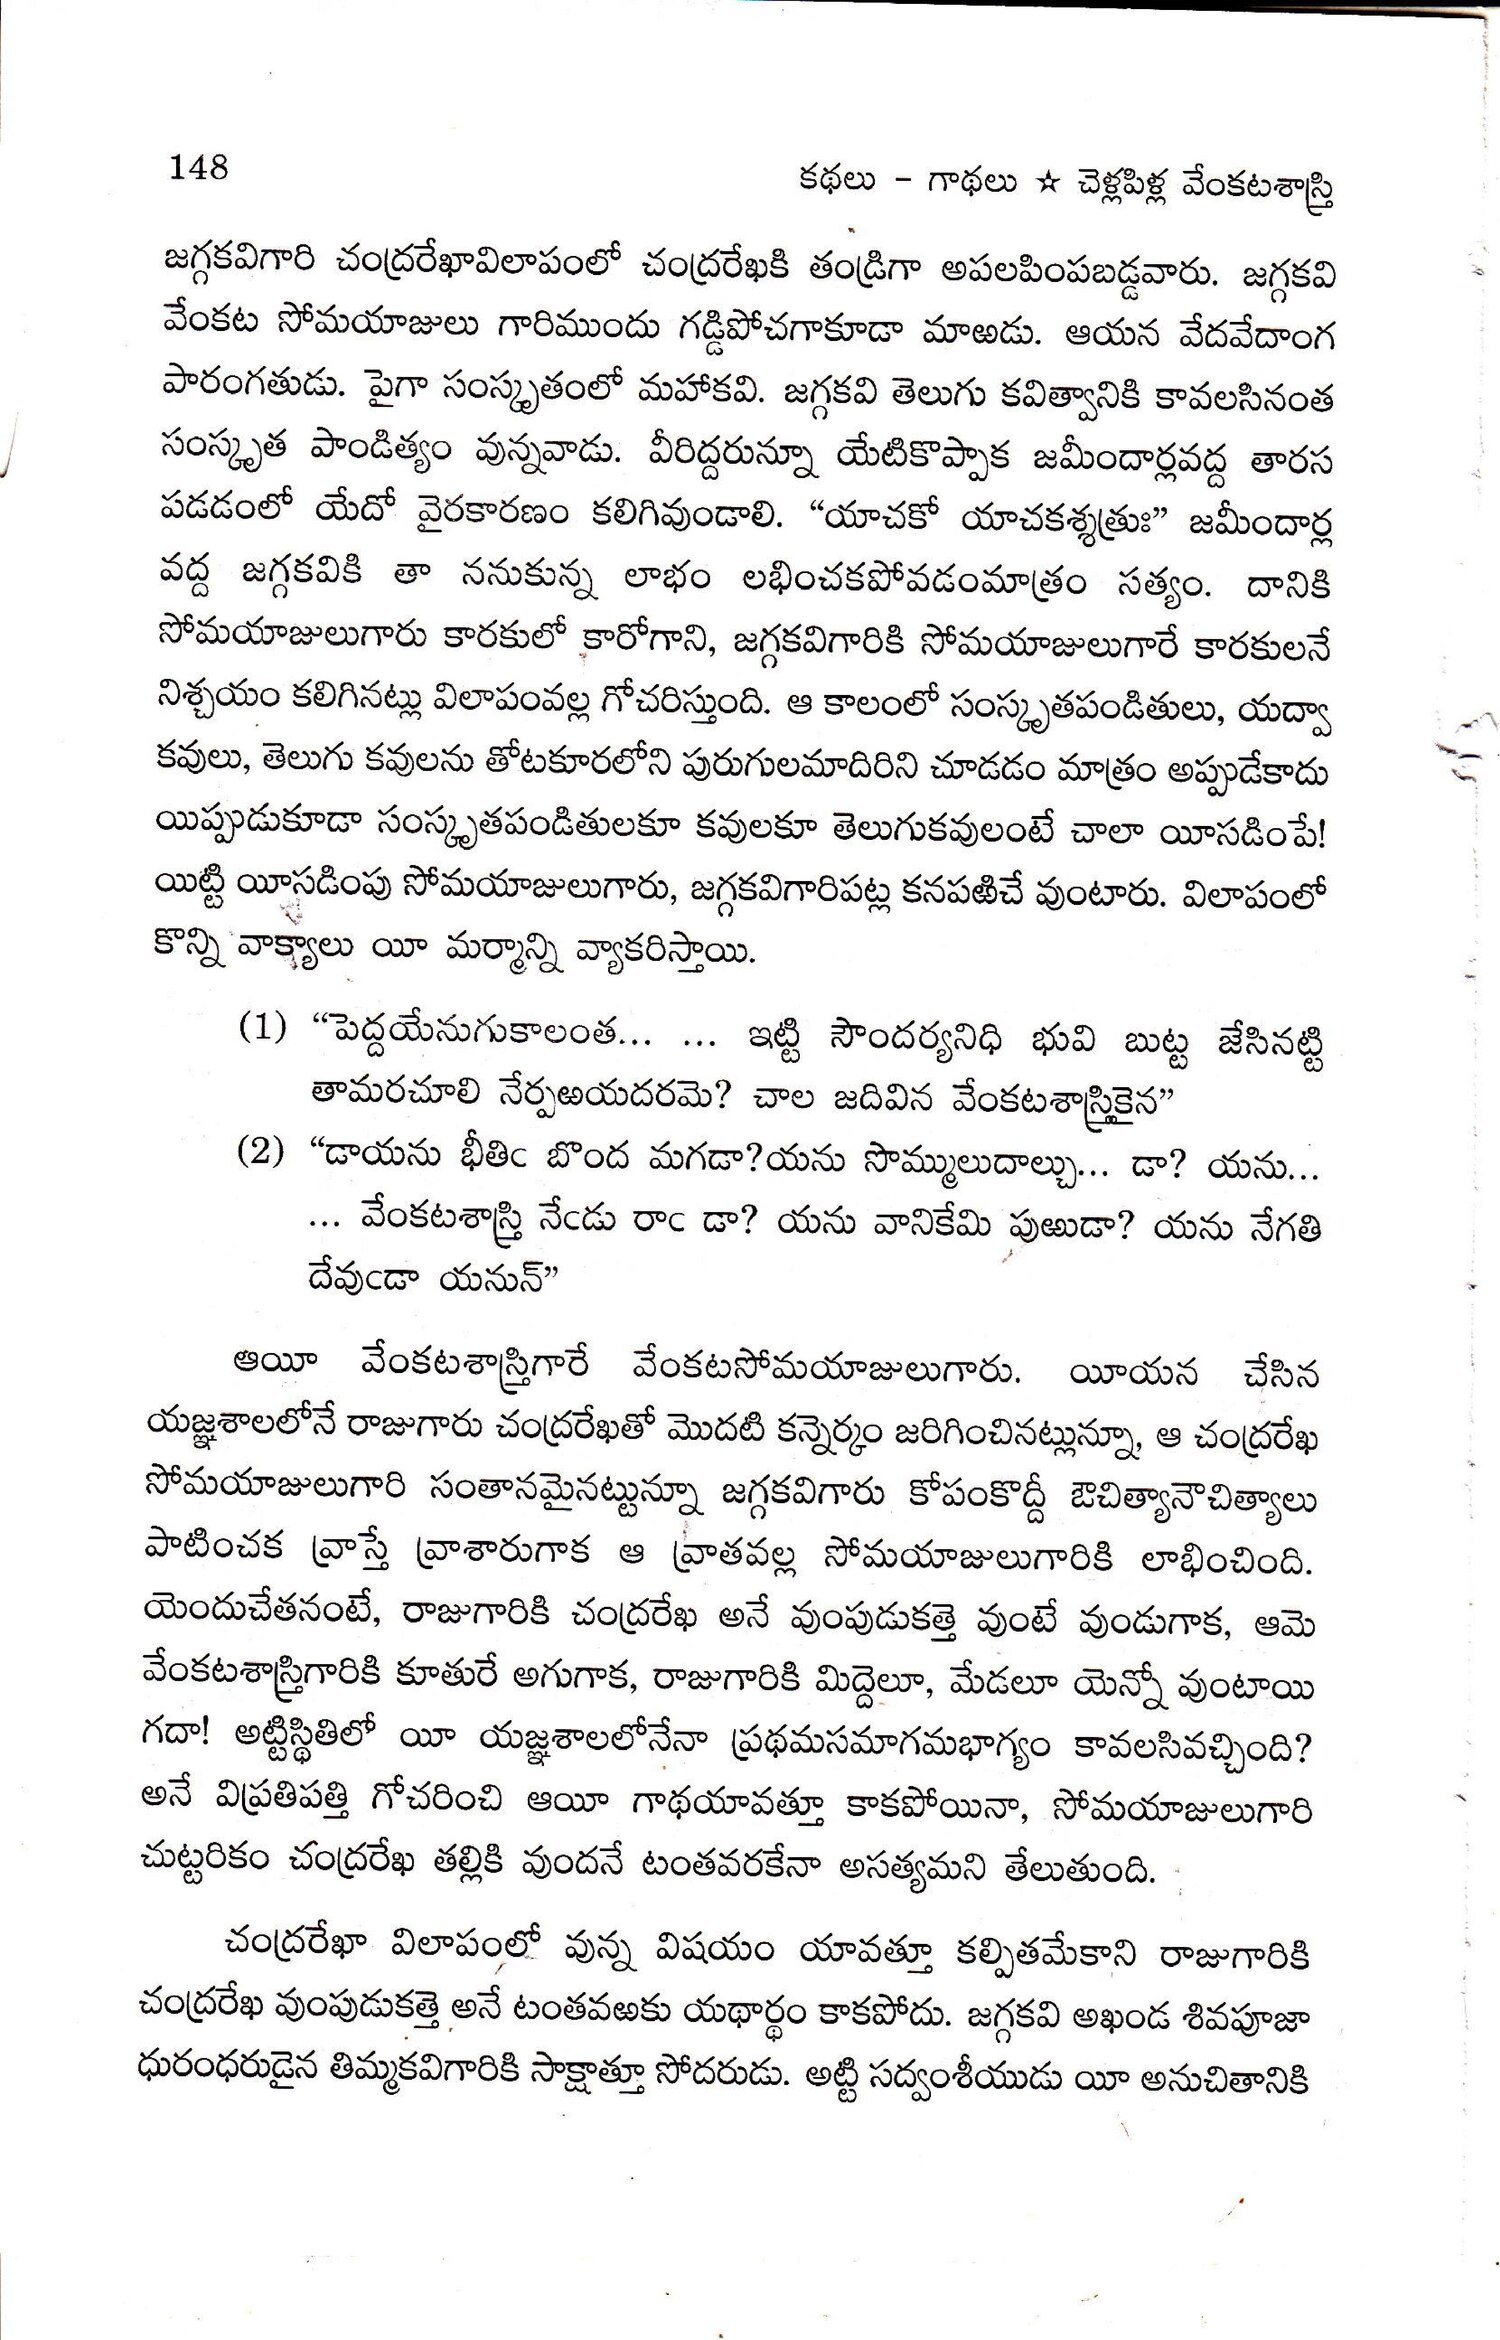జగ్గకవిగారి చంద్రరేఖావిలాపంలో చంద్రరేఖకి తండ్రిగా అపలపింపబడ్డవారు. జగ్గకవి వేంకట సోమయాజులు గారిముందు గడ్డిపోచగాకూడా మాఱదు. ఆయన వేదవేదాంగ పారంగతుడు. పైగా సంస్కృతంలో మహాకవి. జగ్గకవి తెలుగు కవిత్వానికి కావలసినంత సంస్కృత పాండిత్యం వున్నవాడు. వీరిద్దరున్నూ యేటికొప్పాక జమీందార్లవద్ద తారస పడడంలో యేదో వైరకారణం కలిగివుండాలి. “యాచకో యాచకశ్శత్రుః" జమీందార్ల వద్ద జగ్గకవికి తా ననుకున్న లాభం లభించకపోవడంమాత్రం సత్యం. దానికి సోమయాజులుగారు కారకులో కారోగాని, జగ్గకవిగారికి సోమయాజులుగారే కారకులనే నిశ్చయం కలిగినట్లు విలాపంవల్ల గోచరిస్తుంది. ఆ కాలంలో సంస్కృతపండితులు, యద్వా కవులు, తెలుగు కవులను తోటకూరలోని పరుగులమాదిరిని చూడడం మాత్రం అప్పుడేకాదు యిప్పుడుకూడా సంస్కృతపండితులకూ కవులకూ తెలుగుకవులంటే చాలా యీసడింపే! యిట్టి యీసడింపు సోమయాజులుగారు, జగ్గకవిగారిపట్ల కనపఱిచే వుంటారు. విలాపంలో కొన్ని వాక్యాలు యీ మర్మాన్ని వ్యాకరిస్తాయి.

(1) "పెద్దయేనుగుకాలంత... ... ఇట్టి సౌందర్యనిధి భువి బుట్ట జేసినట్టి తామరచూలి నేర్పఱయదరమె? చాల జదివిన వేంకటశాస్త్రికైన"

(2) "డాయను భీతిఁ బొంద మగడా?యను సొమ్ములుదాల్చు. డా? యను. ... వేంకటశాస్త్రి నేఁడు రాఁ డా? యను వానికేమి పుఱుడా? యను నేగతి దేవుఁడా యనున్”

ఆయీ వేంకటశాస్త్రిగారే వేంకటసోమయాజులుగారు. యీయన చేసిన యజ్ఞశాలలోనే రాజుగారు చంద్రరేఖతో మొదటి కన్నెర్కం జరిగించినట్లున్నూ, ఆ చంద్రరేఖ సోమయాజులుగారి సంతానమైనట్టున్నూ జగ్గకవిగారు కోపంకొద్దీ ఔచిత్యానౌచిత్యాలు పాటించక వ్రాస్తే వ్రాశారుగాక ఆ వ్రాతవల్ల సోమయాజులుగారికి లాభించింది. యెందుచేతనంటే, రాజుగారికి చంద్రరేఖ అనే వుంపుడుకత్తె వుంటే వుండుగాక, ఆమె వేంకటశాస్త్రిగారికి కూతురే అగుగాక, రాజుగారికి మిద్దెలూ, మేడలూ యెన్నో వుంటాయి గదా! అట్టిస్థితిలో యీ యజ్ఞశాలలోనేనా ప్రథమసమాగమభాగ్యం కావలసివచ్చింది? అనే విప్రతిపత్తి గోచరించి ఆయీ గాథయావత్తూ కాకపోయినా, సోమయాజులుగారి చుట్టరికం చంద్రరేఖ తల్లికి వుందనే టంతవరకేనా అసత్యమని తేలుతుంది.

చంద్రరేఖా విలాపంలో వున్న విషయం యావత్తూ కల్పితమేకాని రాజుగారికి చంద్రరేఖ వుంపుడుకత్తె అనే టంతవఱకు యథార్థం కాకపోదు. జగ్గకవి అఖండ శివపూజా ధురంధరుడైన తిమ్మకవిగారికి సాక్షాత్తూ సోదరుడు. అట్టి సద్వంశీయుడు యీ అనుచితానికి